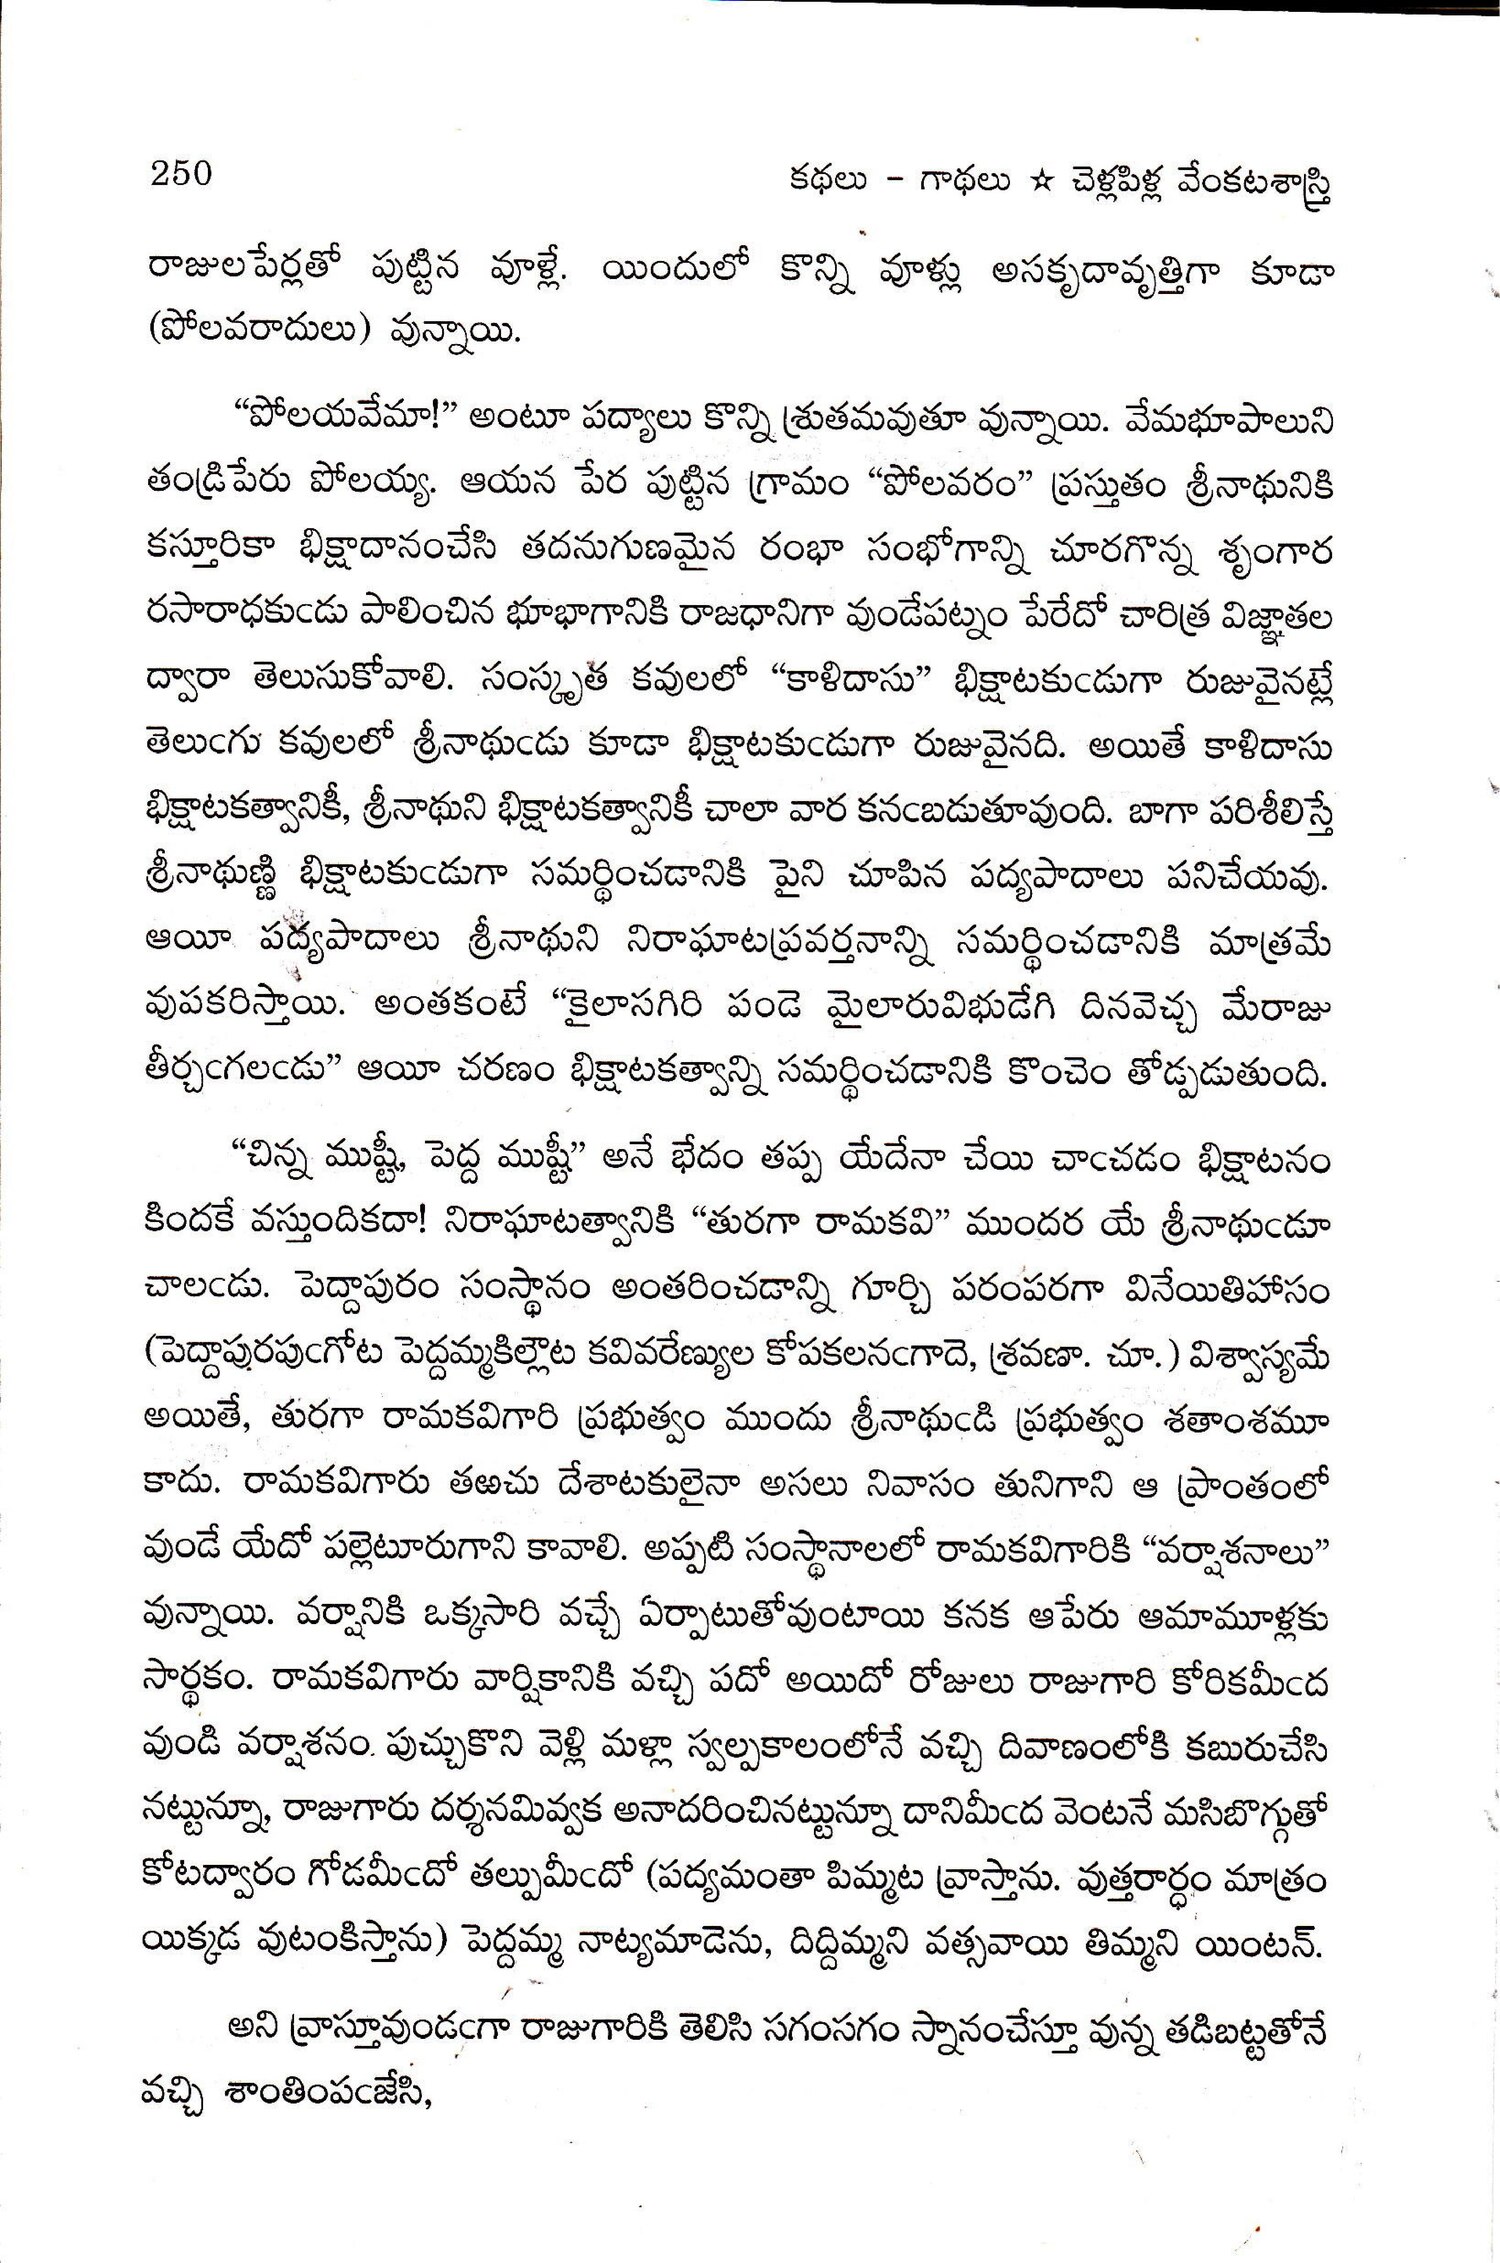రాజులపేర్లతో పుట్టిన వూళ్లే యిందులో కొన్ని వూళ్లు అసకృదావృత్తిగా కూడా (పోలవరాదులు) వున్నాయి.

“పోలయవేమా!” అంటూ పద్యాలు కొన్ని శ్రుతమవుతూ వున్నాయి. వేమభూపాలుని తండ్రిపేరు పోలయ్య ఆయన పేర పుట్టిన గ్రామం "పోలవరం" ప్రస్తుతం శ్రీనాథునికి కస్తూరికా భిక్షాదానంచేసి తదనుగుణమైన రంభా సంభోగాన్ని చూరగొన్న శృంగార రసారాధకుఁడు పాలించిన భూభాగానికి రాజధానిగా వుండేపట్నం పేరేదో చారిత్ర విజ్ఞాతల ద్వారా తెలుసుకోవాలి. సంస్కృత కవులలో “కాళిదాసు" భిక్షాటకుఁడుగా రుజువైనట్లే తెలుఁగు కవులలో శ్రీనాథుఁడు కూడా భిక్షాటకుఁడుగా రుజువైనది. అయితే కాళిదాసు భిక్షాటకత్వానికీ, శ్రీనాథుని భిక్షాటకత్వానికీ చాలా వార కనఁబడుతూవుంది. బాగా పరిశీలిస్తే శ్రీనాథుణ్ణి భిక్షాటకుఁడుగా సమర్ధించడానికి పైని చూపిన పద్యపాదాలు పనిచేయవు. ఆయీ పద్యపాదాలు శ్రీనాథుని నిరాఘాటప్రవర్తనాన్ని సమర్థించడానికి మాత్రమే వుపకరిస్తాయి. అంతకంటే "కైలాసగిరి పండె మైలారువిభుడేగి దినవెచ్చ మేరాజు తీర్చఁగలఁడు" ఆయీ చరణం భిక్షాటకత్వాన్ని సమర్థించడానికి కొంచెం తోడ్పడుతుంది.

“చిన్న ముష్టీ, పెద్ద ముష్టీ" అనే భేదం తప్ప యేదేనా చేయి చాఁచడం భిక్షాటనం కిందకే వస్తుందికదా! నిరాఘాటత్వానికి “తురగా రామకవి" ముందర యే శ్రీనాథుఁడూ చాలఁడు. పెద్దాపురం సంస్థానం అంతరించడాన్ని గూర్చి పరంపరగా వినేయితిహాసం (పెద్దాపురపుఁగోట పెద్దమ్మకిల్లౌట కవివరేణ్యుల కోపకలనఁగాదె, శ్రవణా, చూ.) విశ్వాస్యమే అయితే, తురగా రామకవిగారి ప్రభుత్వం ముందు శ్రీనాథుఁడి ప్రభుత్వం శతాంశమూ కాదు. రామకవిగారు తఱచు దేశాటకులైనా అసలు నివాసం తునిగాని ఆ ప్రాంతంలో వుండే యేదో పల్లెటూరుగాని కావాలి. అప్పటి సంస్థానాలలో రామకవిగారికి "వర్షాశనాలు" వున్నాయి. వర్షానికి ఒక్కసారి వచ్చే ఏర్పాటుతోవుంటాయి కనక ఆపేరు ఆమామూళ్లకు సార్థకం. రామకవిగారు వార్షికానికి వచ్చి పదో అయిదో రోజులు రాజుగారి కోరికమీఁద వుండి వర్షాశనం. పుచ్చుకొని వెళ్లి మళ్లా స్వల్పకాలంలోనే వచ్చి దివాణంలోకి కబురుచేసి నట్టున్నూ రాజుగారు దర్శనమివ్వక అనాదరించినట్టున్నూ దానిమీఁద వెంటనే మసిబొగ్గుతో కోటద్వారం గోడమీఁదో తల్పుమీఁదో (పద్యమంతా పిమ్మట వ్రాస్తాను. వుత్తరార్ధం మాత్రం యిక్కడ వుటంకిస్తాను) పెద్దమ్మ నాట్యమాడెను, దిద్దిమ్మని వత్సవాయి తిమ్మని యింటన్.

అని వ్రాస్తూవుండఁగా రాజుగారికి తెలిసి సగంసగం స్నానంచేస్తూ వున్న తడిబట్టతోనే వచ్చి శాంతింపఁజేసి,